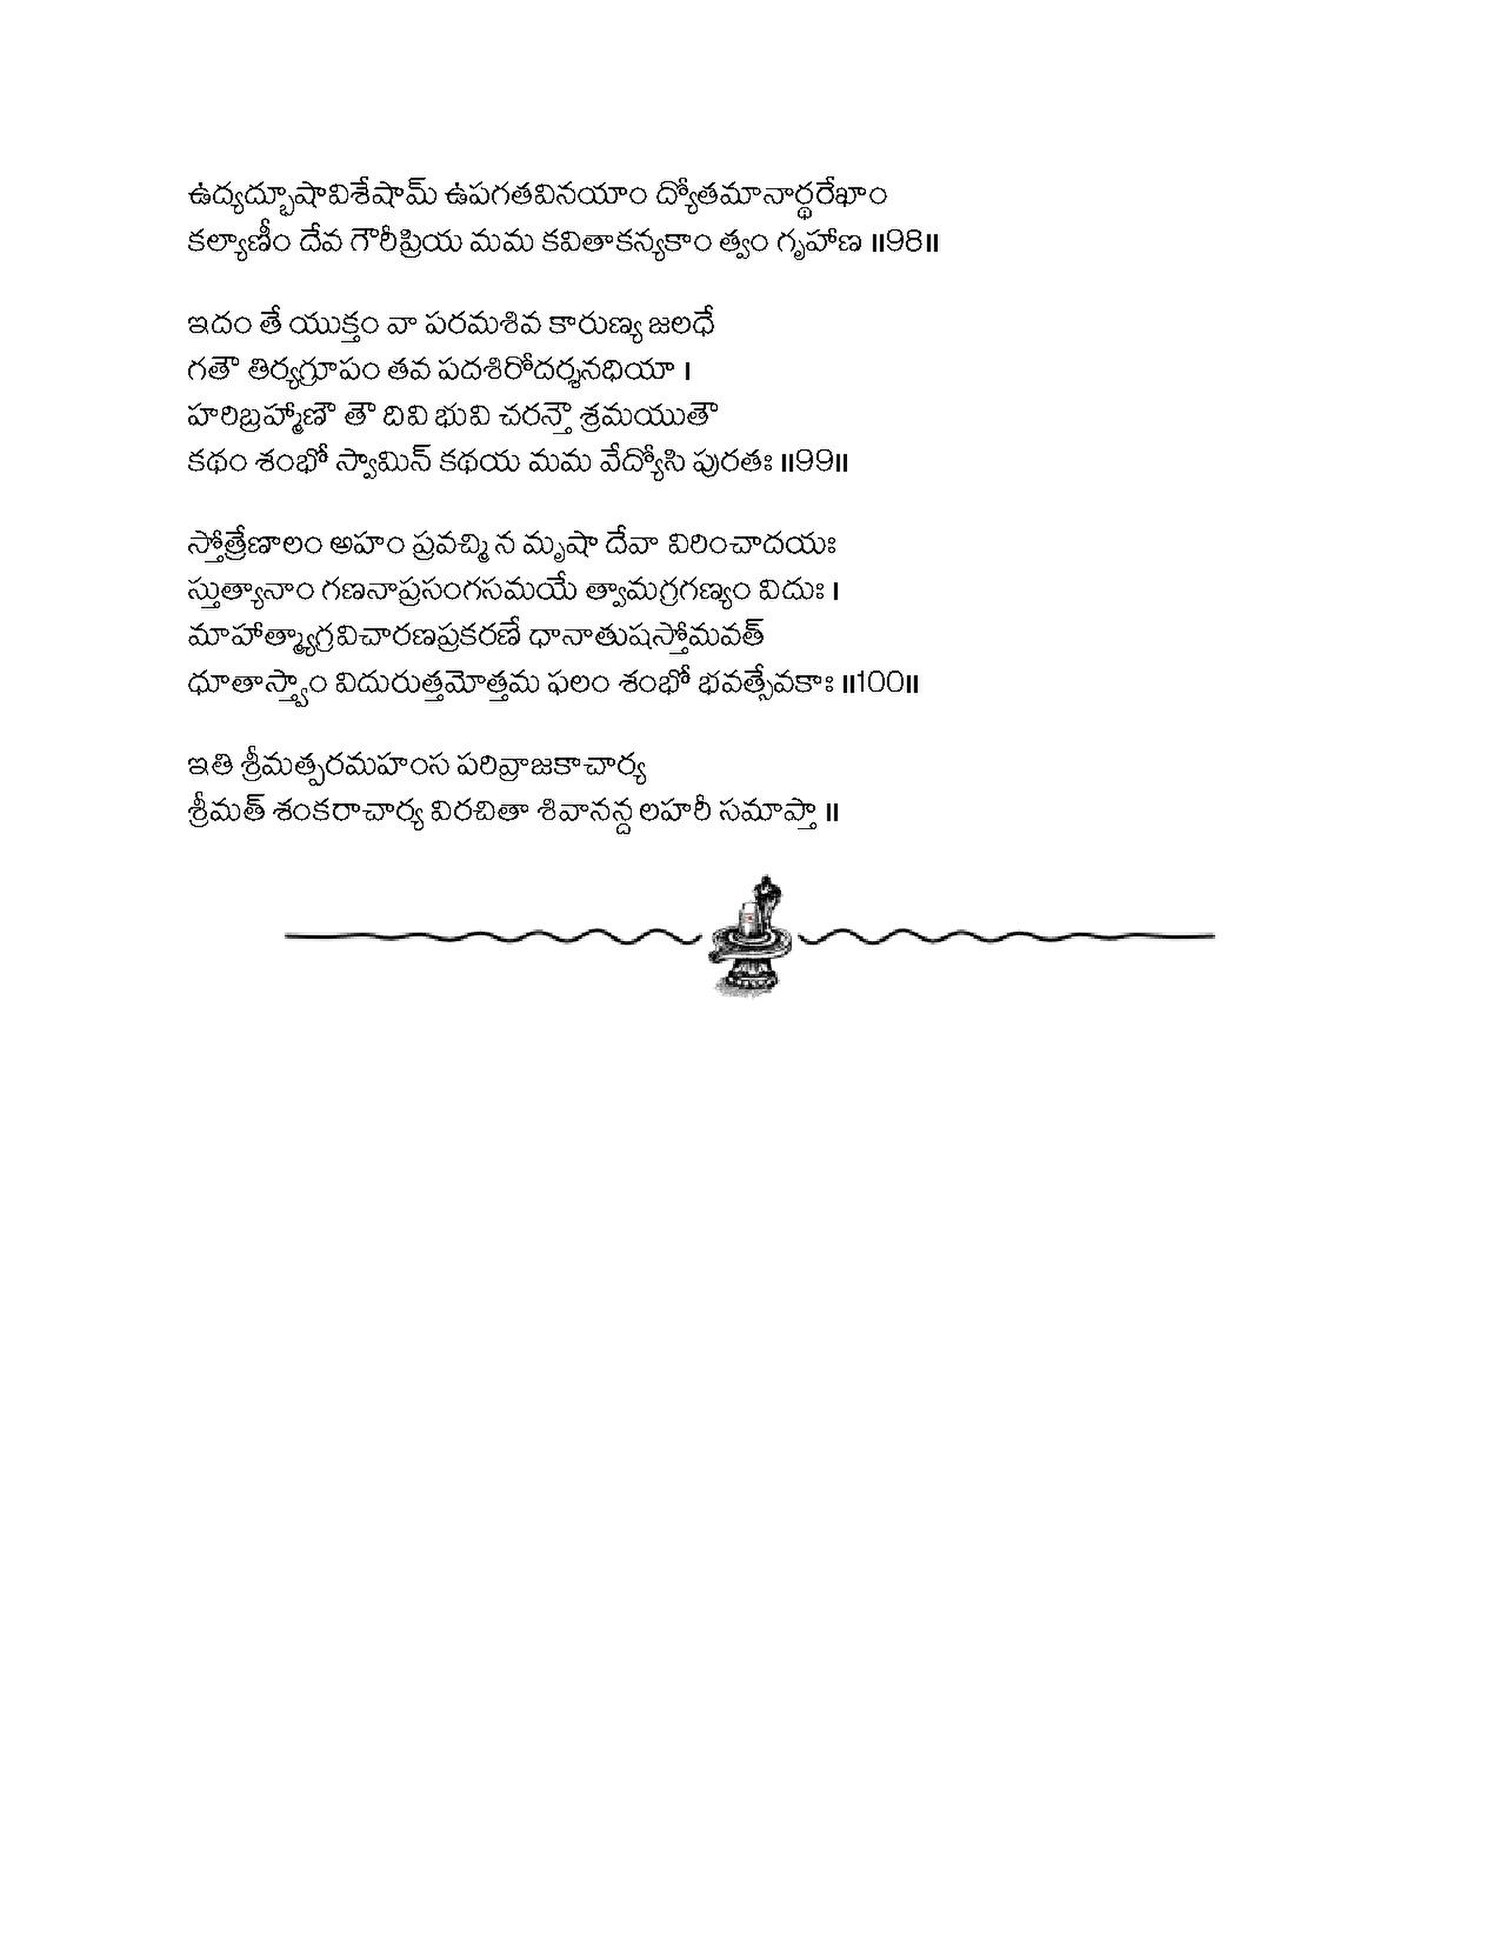ఉద్యద్భూషావిశేషామ్ ఉపగతవినయాం ద్యోతమానార్థరేఖాం
కల్యాణీం దేవ గౌరీప్రియ మమ కవితాకన్యకాం త్వం గృహాణ ||98 ||

ఇదం తే యుక్తం వా పరమశివ కారుణ్య జలధే
గతౌ తిర్యగ్రూపం తవ పదశిరోదర్శనధియా |
హరిబ్రహ్మాణౌ తౌ దివి భువి చరన్తౌ శ్రమయుతౌ
కథం శంభో స్వామిన్ కథయ మమ వేద్యోసి పురతః ||99||

స్తోత్రేణాలం అహం ప్రవచ్మిన మృషా దేవా విరించాదయః
స్తుత్యానాం గణనాప్రసంగసమయే త్వామగ్రగణ్యం విదుః |
మాహాత్మ్యాగ్రవిచారణప్రకరణే ధానాతుషస్తోమవత్
ధూతాస్త్వాం విదురుత్తమోత్తమ ఫలం శంభో భవత్సేవకాః ||100||

ఇతి శ్రీమత్పరమహంస పరివ్రాజకాచార్య
శ్రీమత్ శంకరాచార్య విరచితా శివానన్ద లహరీ సమాప్తా ||